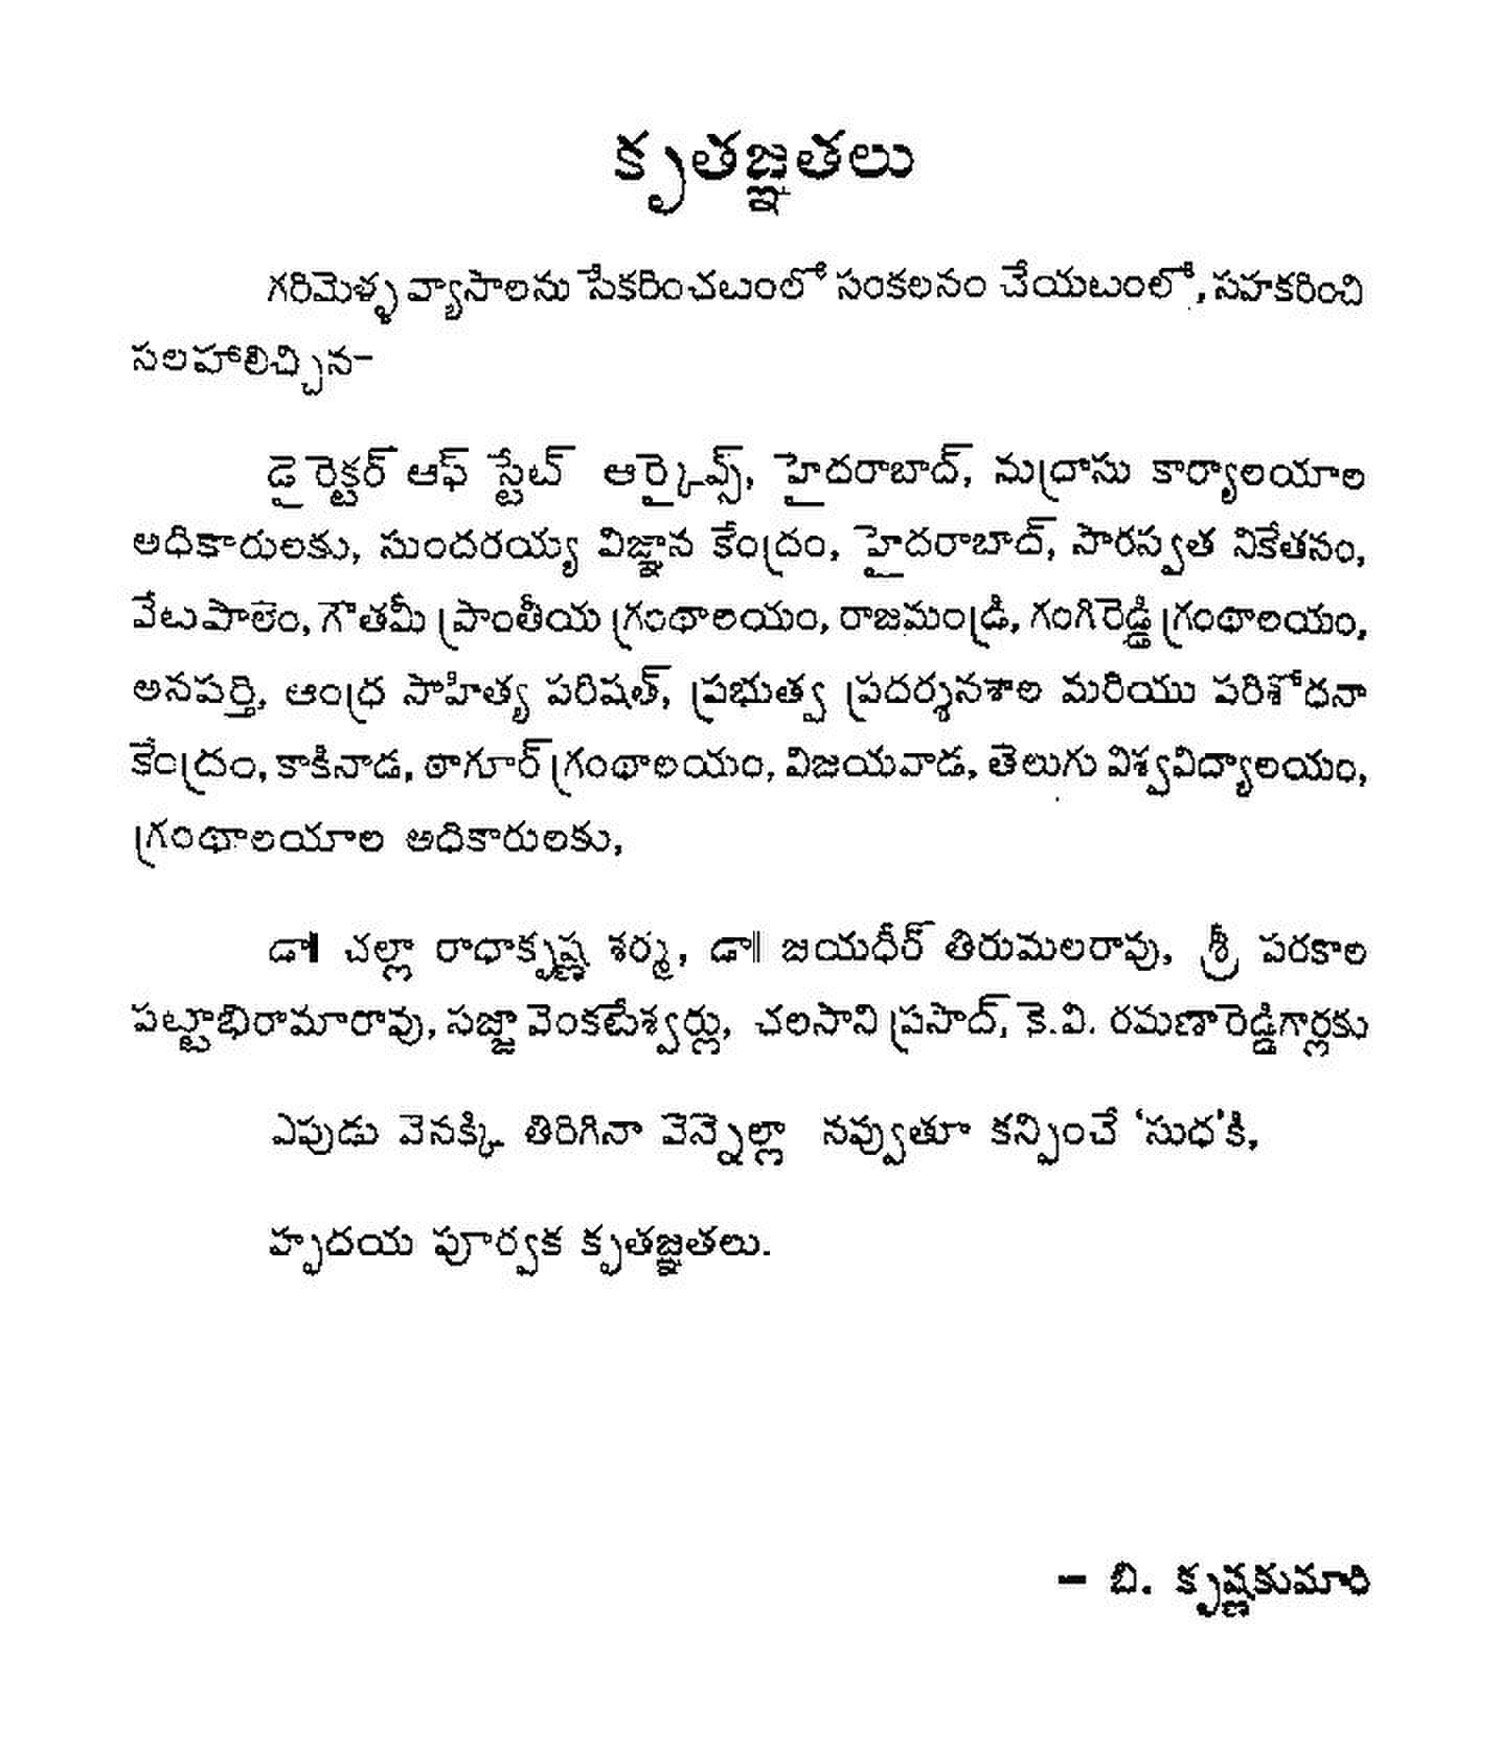కృతజ్ఞతలు

గరిమెళ్ళ వ్యాసాలను సేకరించటంలో సంకలనం చేయటంలో, సహకరించి సలహాలిచ్చిన-

డైరెక్టర్ ఆఫ్ స్టేట్ ఆర్కైవ్స్, హైదరాబాద్, మద్రాసు కార్యాలయాల అధికారులకు, సుందరయ్య విజ్ఞాన కేంద్రం, హైదరాబాద్, సారస్వత నికేతనం, వేటపాలెం, గౌతమీ ప్రాంతీయ గ్రంథాలయం, రాజమండ్రి, గంగిరెడ్డి గ్రంథాలయం, అనపర్తి, ఆంధ్ర సాహిత్య పరిషత్, ప్రభుత్వ ప్రదర్శనశాల మరియు పరిశోధనా కేంద్రం, కాకినాడ, ఠాగూర్ గ్రంథాలయం, విజయవాడ, తెలుగు విశ్వవిద్యాలయం, గ్రంథాలయాల అధికారులకు.

డా॥ చల్లా రాధాకృష్ణ శర్మ, డా|| జయధీర్ తిరుమలరావు, శ్రీ పరకాల పట్టాభిరామారావు, సజ్జా వెంకటేశ్వర్లు, చలసాని ప్రసాద్, కె. వి. రమణారెడ్డిగార్లకు.

ఎపుడు వెనక్కి తిరిగినా వెన్నెల్లా నవ్వుతూ కన్పించే 'సుధ'కీ,

హృదయ పూర్వక కృతజ్ఞతలు.